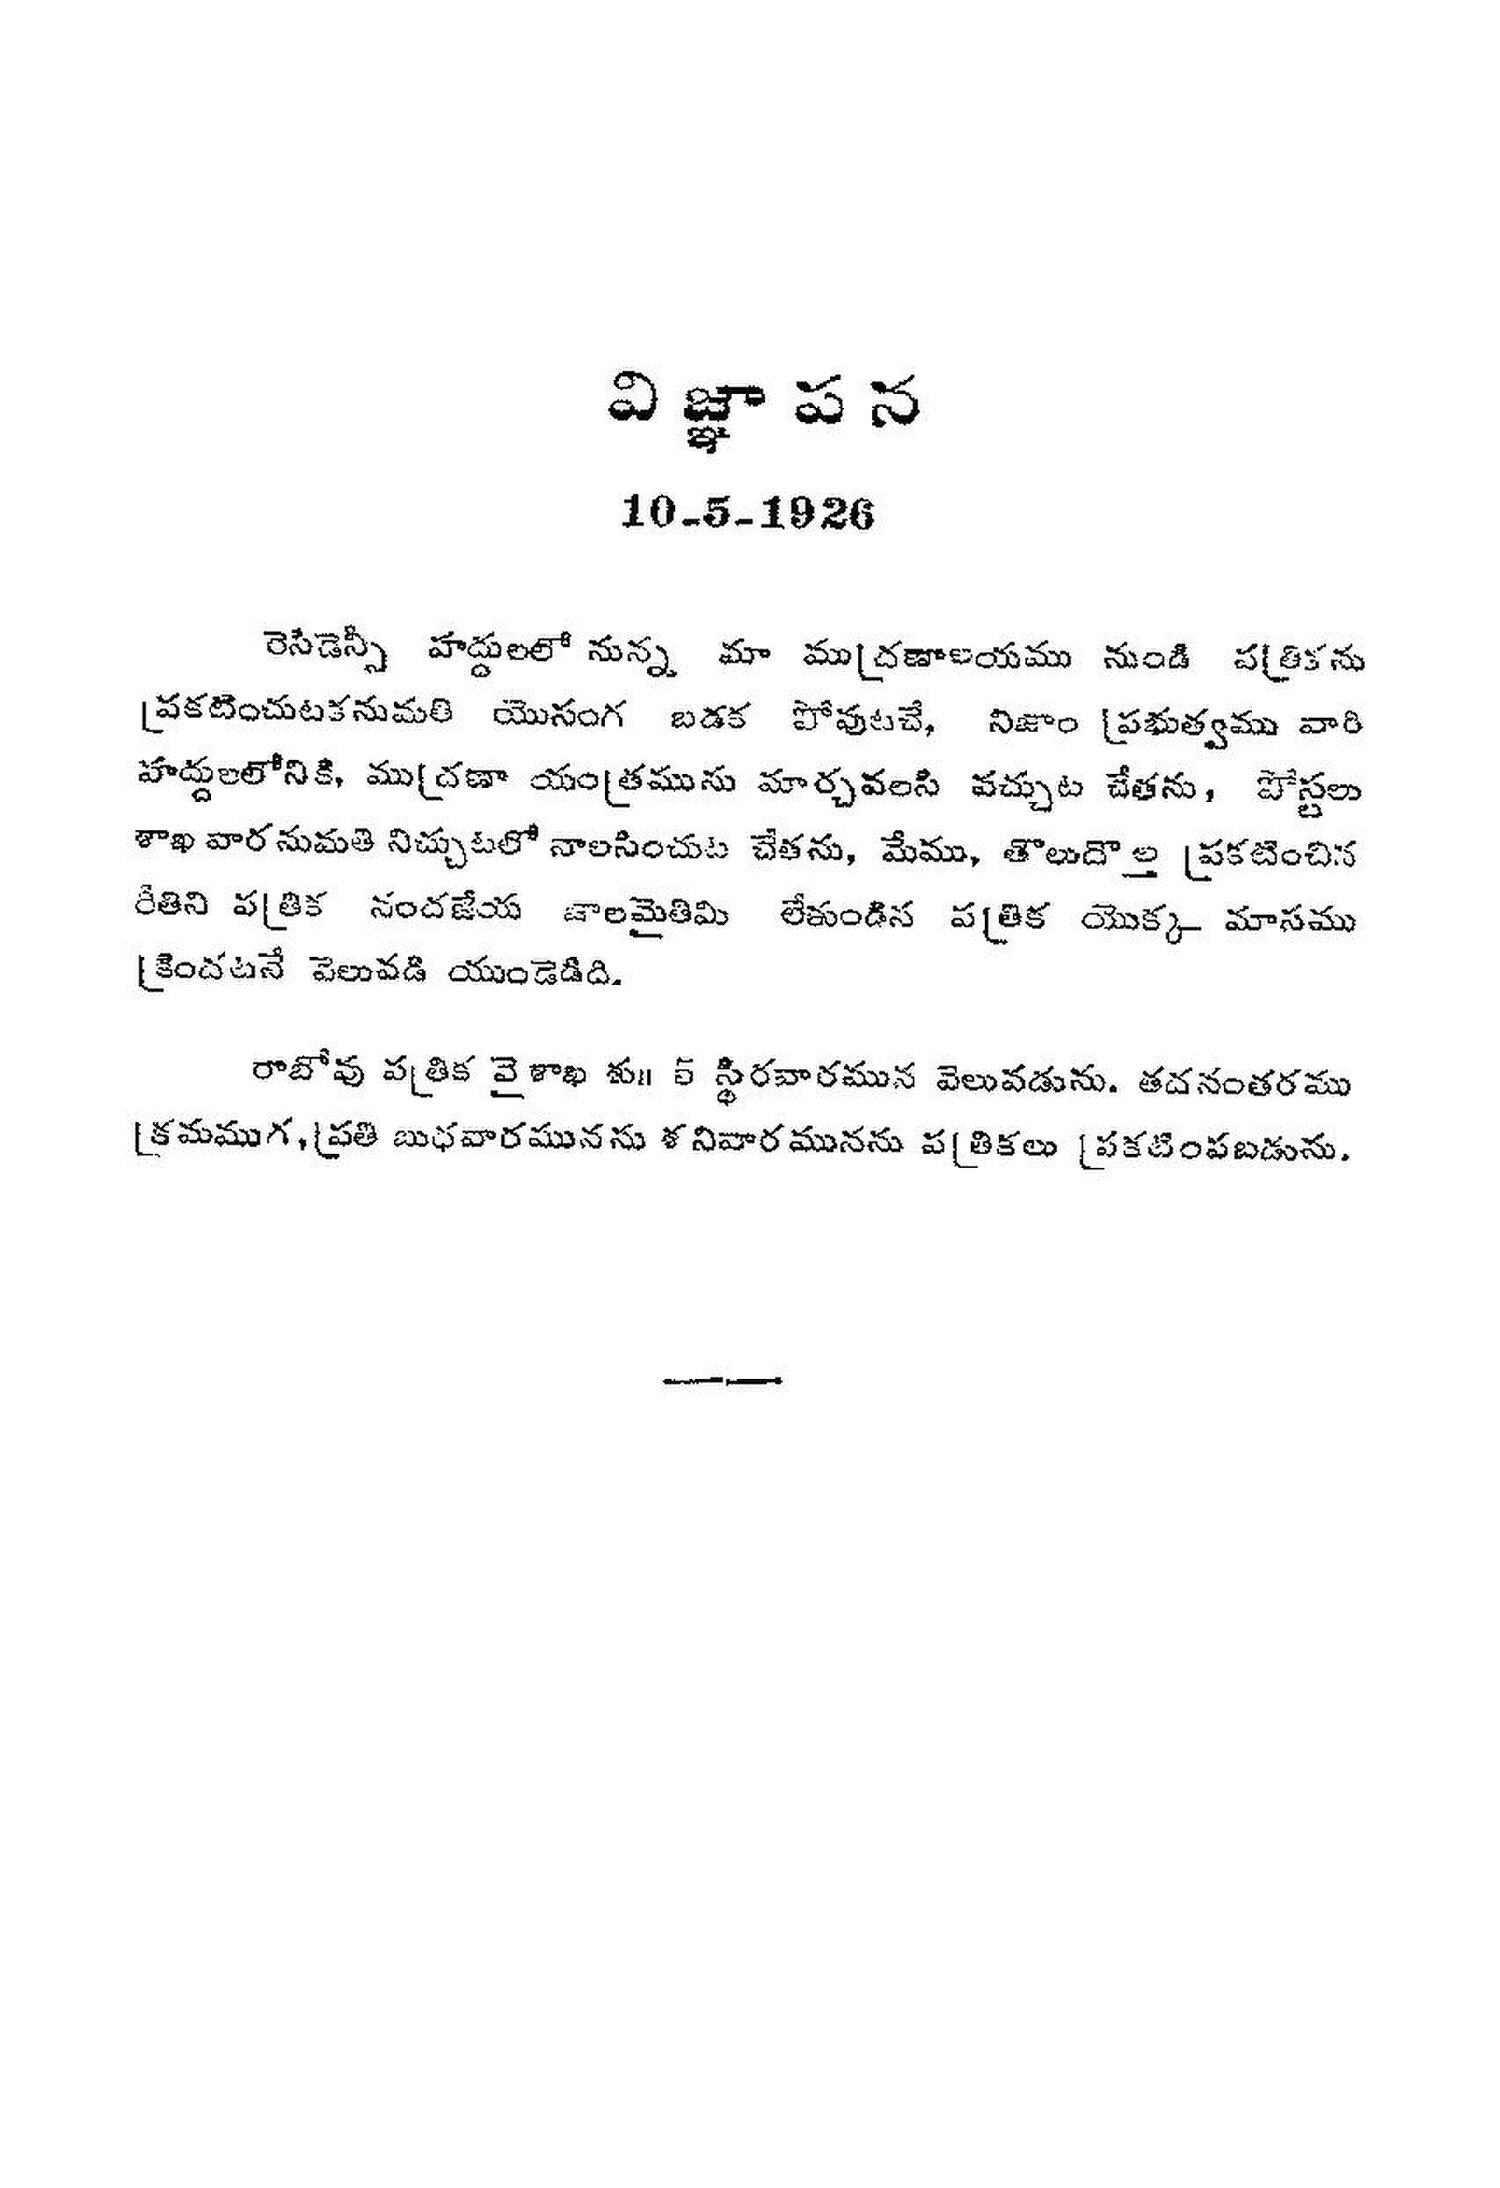విజ్ఞాపన

10 - 5 - 1926

రెసిడెన్సీ హద్దులలో నున్న మా ముద్రణాలయము నుండి పత్రికను ప్రకటించుటకనుమతి యొసంగ బడక పోవుటచే, నిజాం ప్రభుత్వము వారి హద్దులలోనికి, ముద్రణా యంత్రమును మార్చవలసి వచ్చుట చేతను, పోస్టలు శాఖ వారనుమతి నిచ్చుటలో నాలసించుట చేతను, మేము, తొలుదొల్త ప్రకటించిన రీతిని పత్రిక నందజేయ జాలమైతిమి లేకుండిన పత్రిక యొక్క మాసము క్రిందటనే వెలువడి యుండెడిది.

రాబోవు పత్రిక వైశాఖ శు॥ 5 స్థిరవారమున వెలువడును. తదనంతరము క్రమముగ, ప్రతి బుధవారమునను శనివారమునను పత్రికలు ప్రకటింపబడును.